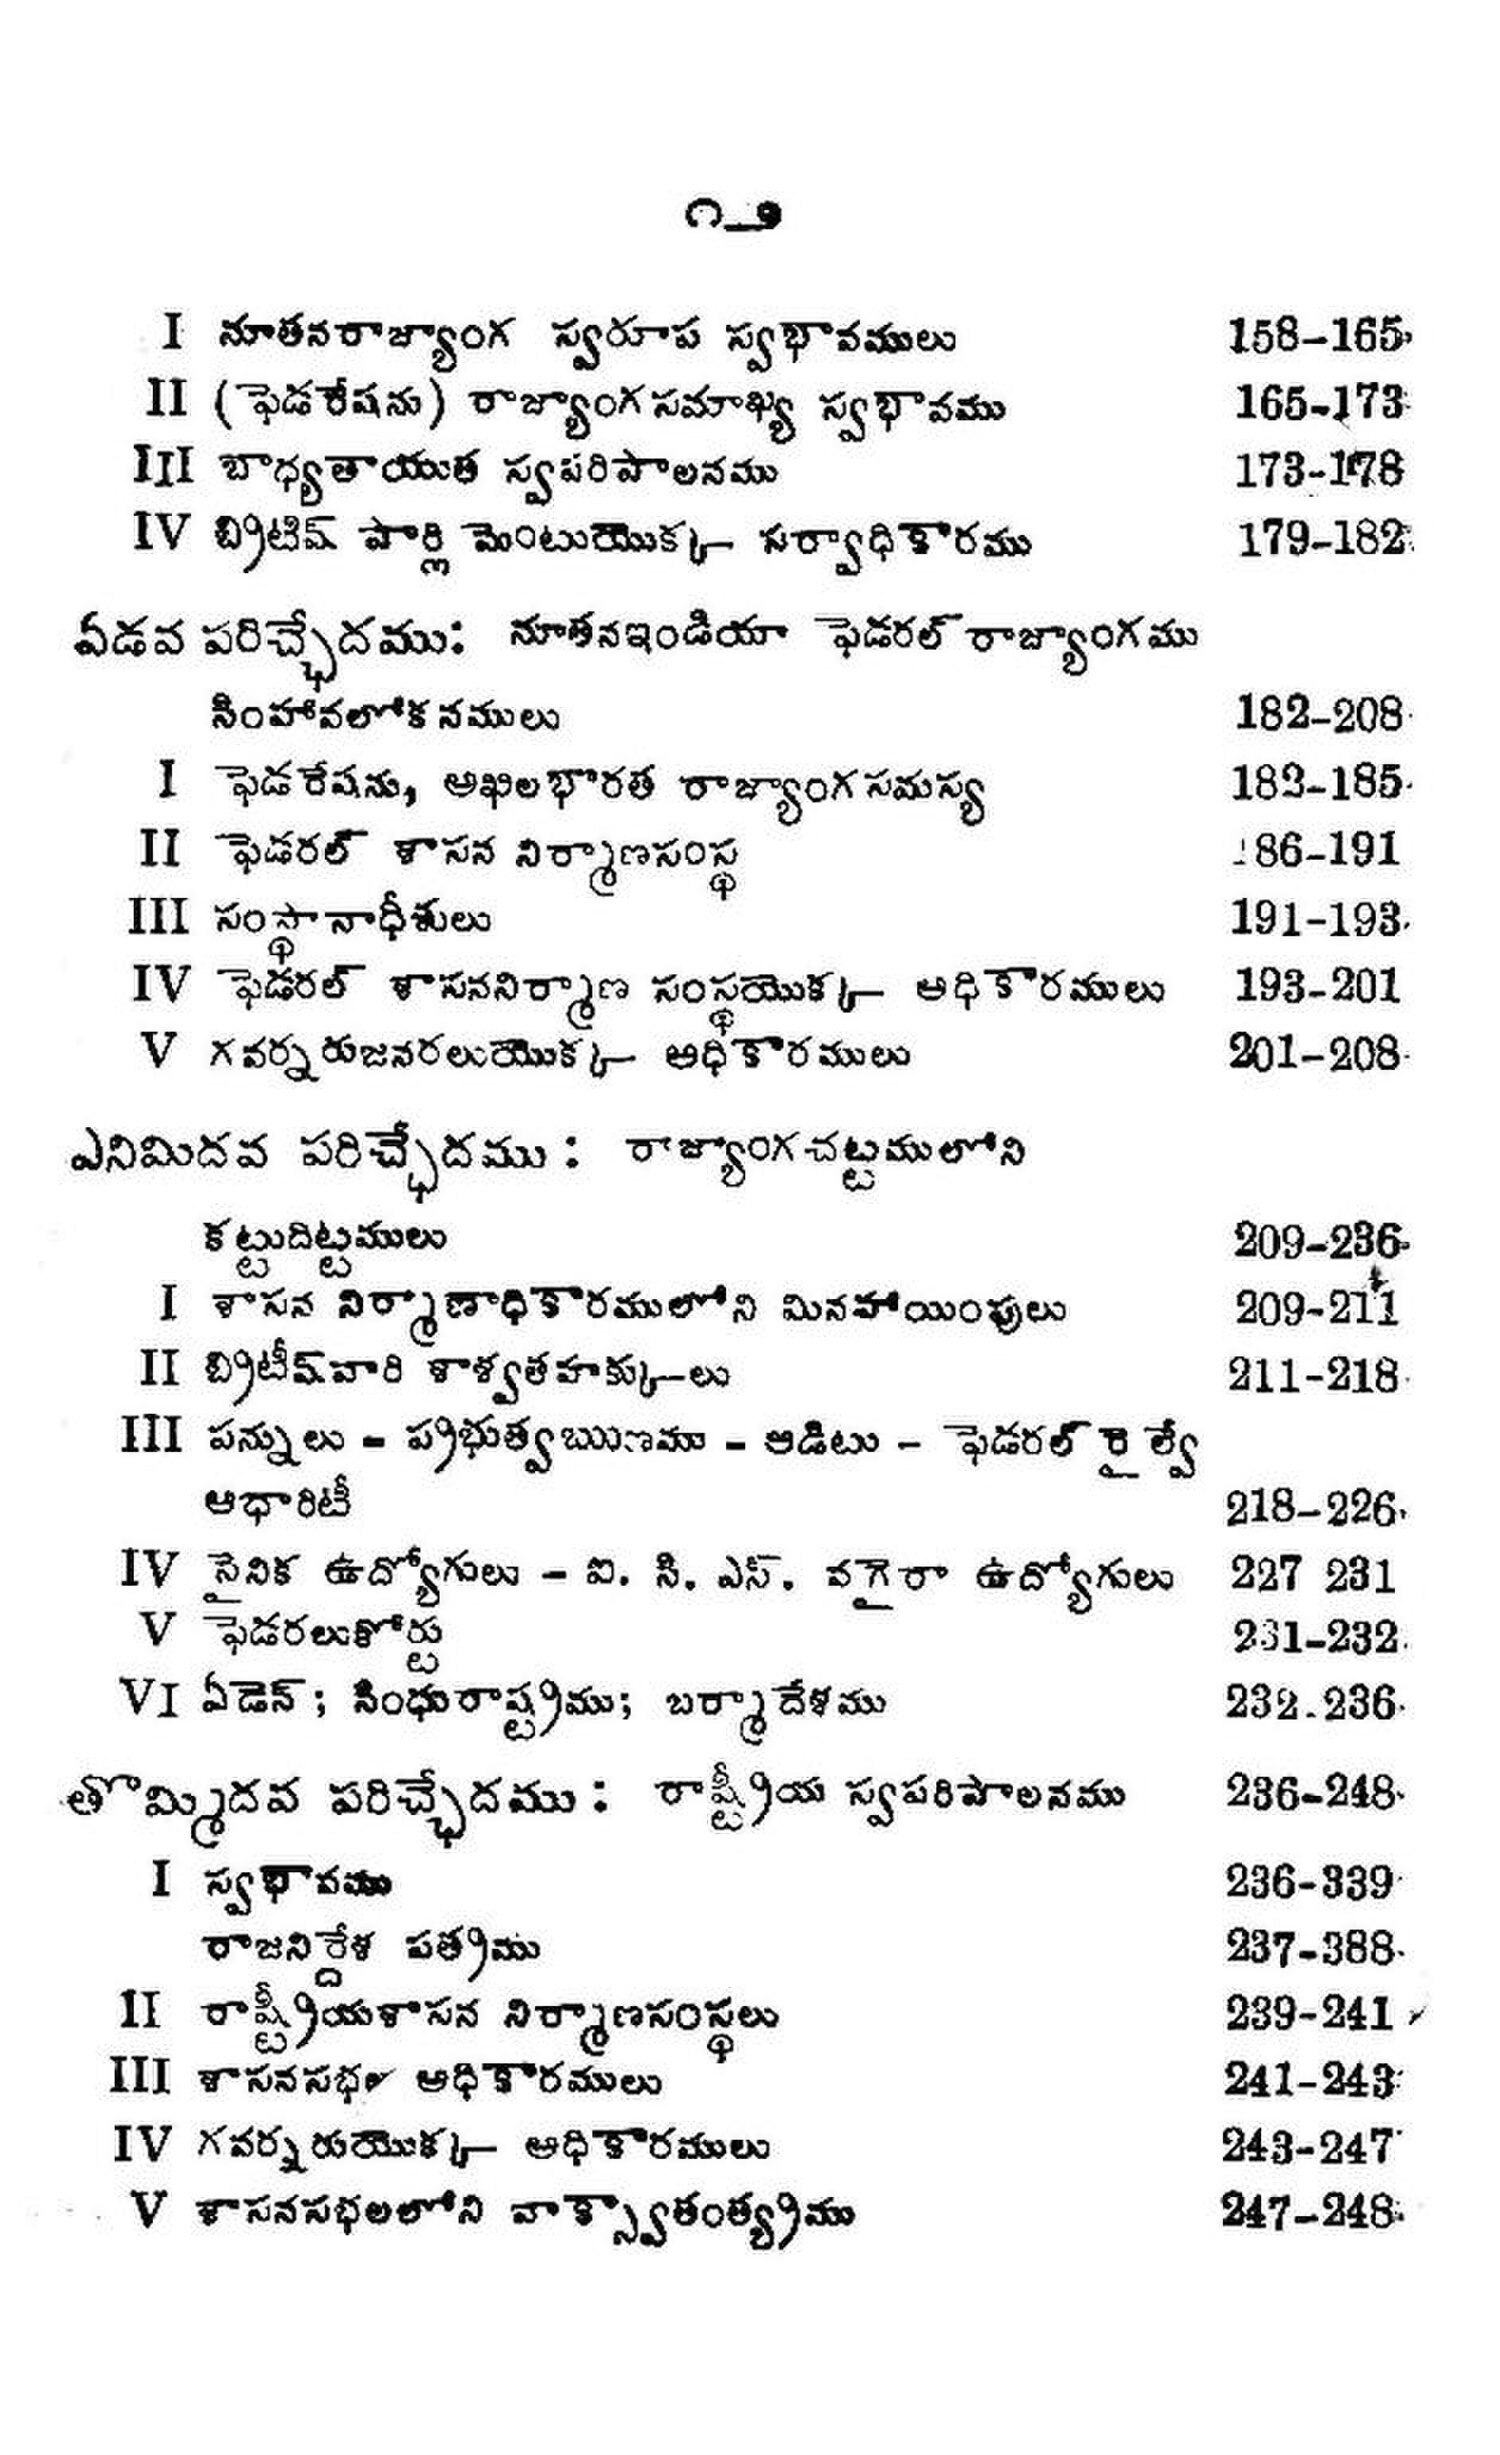I నూతన రాజ్యాంగ స్వరూప స్వభావములు 
II ( ఫెడరేషను) రాజ్యాంగ సమాఖ్య స్వభావము 
III బాధ్యతాయుత స్వపరిపాలనము 
IV బ్రిటిష్ పొర్లి సెంటు యొక్క సర్వాధికారము 
పడవ పరిచ్చేదము: నూతన ఇండియా ఫెడరల్ రాజ్యాంగము సింహావలోకనములు .
| ఫెడరేషను, అఖిల భారత రాజ్యాంగ సమస్య .
II ఫెడరల్ శాసన నిర్మాణసంస్థ 
III సంస్థానాధీశులు . 
IV ఫెడరల్ శాసననిర్మాణ సంసయొక్క అధికారములు 
V గవర్న రుజనరలు యొక్క అధికారములు . 
ఎనిమిదవ పరిచ్ఛేదము : రాజ్యాంగ చట్టములోని కట్టుదిట్టములు 
I శాసన నిర్మాణాధికారములోని మినహాయింపులు
II బ్రిటీష్ వారి శాశ్వతహక్కులు .
III పన్నులు - ప్రభుత్వఋణము - ఆడిటు - ఫెడరల్ రైల్వే ఆధారిటీ , 
IV సైనిక ఉద్యోగులు - ఐ. సి. ఎస్. వగైరా ఉద్యోగులు 
V ఫెడరలుకోరు .
VI ఏడెన్ ; సింధు రాష్ట్రము ; బర్మా దేశము . 
తొమ్మిదవ పరిచ్చేదము : రాష్ట్రీయ స్వపరిపాలనము .
I స్వభావము 
రాజనిర్దేశ పత్రము . 
II రా యశాసన నిర్మాణ సంస్థలు 
III శాసనసభల అధికారములు 241-243: 
IV గవర్నరుయొక్క అధికారములు 
Vశాసనసభలలోని వాక్వాంతంత్యము 247-248:
.